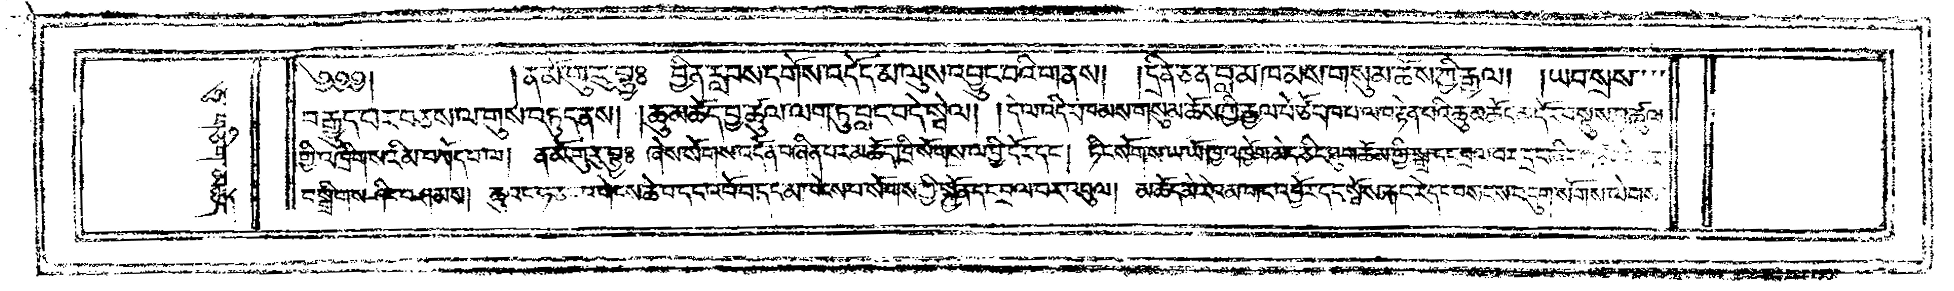༄༅༅། །ན་མོ་གུ་རུ་བྷྱཿ བྱིན་རླབས་དགོས་འདོད་མ་ལུས་འབྱུང་བའི་གནས། །དྲིན་ཅན་བླ་མ་ཁམས་གསུམ་ཆོས་ཀྱི་རྒྱལ། །ཡབ་སྲས་
བརྒྱུད་པར་བཅས་ལ་གུས་བཏུད་ནས། །ཆུ་མཆོད་བྱ་ཚུལ་ལག་ཏུ་བླང་བདེ་སྤེལ། །དེ་ལ་འདིར་ཁམས་གསུམ་ཆོས་ཀྱི་རྒྱལ་པོ་ཙོང་ཁ་པ་ལ་བརྟེན་པའི་ཆུ་མཆོད་མདོར་བསྡུས་བྱ་ཚུལ་
གྱི་འཁྲིགས་རིམ་བཀོད་པ་ལ། ན་མོ་གུ་རུ་བྷྱཿ ཞེས་སོགས་འདོན་བཞིན་པར་མཆོད་ཁྲི་སོགས་ལ་བྱི་དོར་དང་། ཏིང་སོགས་ཡ་ཡོ་ཁྱ་འཁྱོག་མེད་ཅིང་ཐུག་ཆོམ་གྱི་སྒྲ་དང་བྲལ་བར་དྲང་ཞིང་གཙང་ངེ་བར་
བསྒྲིགས་ཤིང་བཤམས། ཆུའང་ཧ་ཅང་འགེངས་ཆེ་བ་དང་འབོ་བ་དང་མ་ཁེངས་པ་སོགས་ཀྱི་སྐྱོན་དང་བྲལ་བར་འབུལ། མཆོད་མེ་རེའམ་གང་འབྱོར་དང་སྤོས་རྐང་རེ་དང་བསངས་བདུག་སོགས་ལེགས་